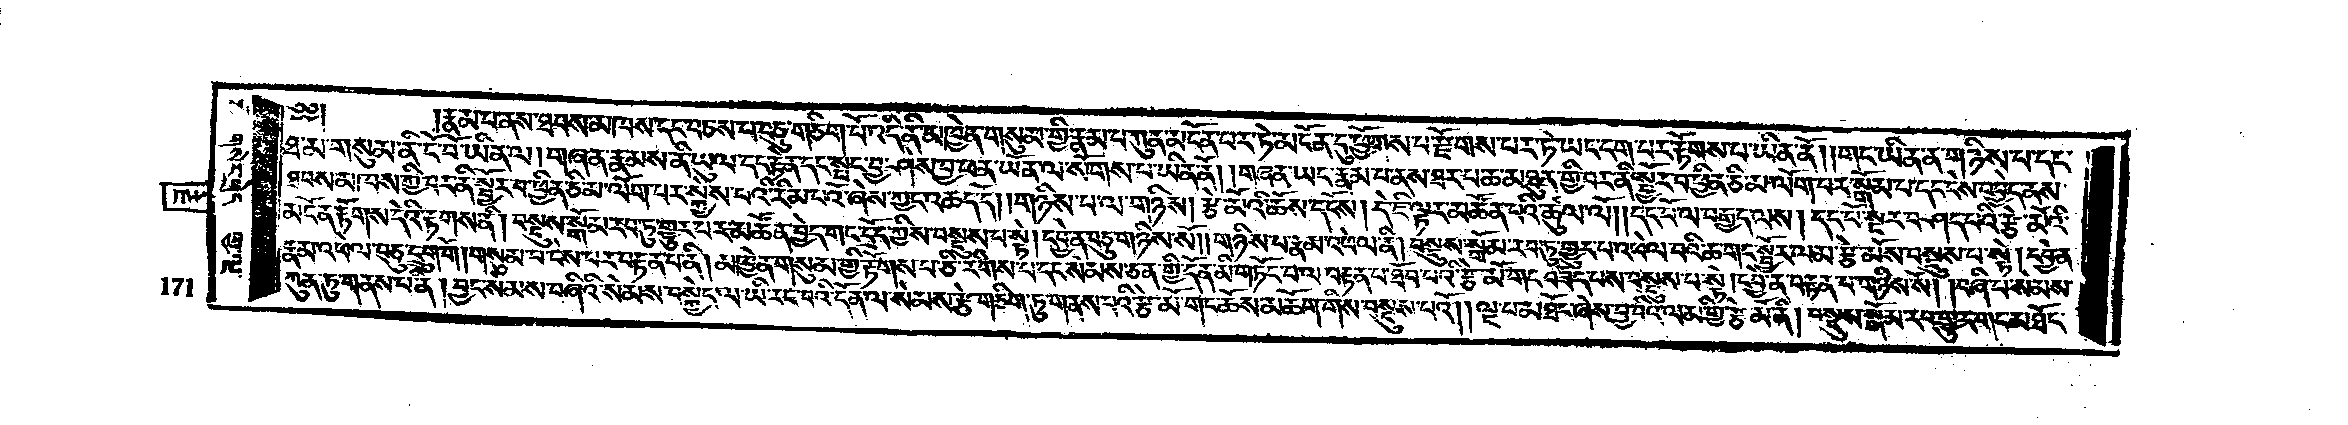༄༅། །རྣམ་པ་ནས་ཐབས་མཁས་དང་བཅས་པ་བཅུ་གཅིག་པོ་འདི་ནི་མཁྱེན་གསུམ་གྱི་རྣམ་པ་ཀུན་མངོན་པར་ཏེ་མངོན་དུ་ཕྱོགས་པ་རྫོགས་པར་ཏེ་ཡང་དག་པར་རྟོགས་པ་ཡིན་ནོ། །གང་ཡིན་ན་གཉིས་པ་དང་
ཐ་མ་གསུམ་ནི་ངོ་བོ་ཡིན་ལ། གཞན་རྣམས་ནི་ཡུལ་དང་རྟེན་དང་སྤང་བྱ་ཤེས་བྱ་ཕན་ཡོན་ལ་སོགས་པ་ཡིན་ནོ། །གཞན་ཡང་རྣམ་པ་ནས་ཐར་པ་ཆ་མཐུན་གྱི་བར་ནི་སྦྱོར་བ་ཕྱིན་ཅི་མ་ལོག་པར་སྒོམ་པ་དང་ངེས་འབྱེད་ནས་
ཐབས་མཁས་ཀྱི་བར་ནི་སྦྱོར་བ་ཕྱིན་ཅི་མ་ལོག་པར་སྐྱེས་པའི་རིམ་པའོ་ཞེས་ཀྱང་འཆད་དོ། །གཉིས་པ་ལ་གཉིས། རྩེ་མོའི་ཆོས་དངོས། དེ་ཇི་ལྟར་མཚོན་པའི་ཚུལ་ལོ། །དང་པོ་ལ་བརྒྱད་ལས། དང་པོ་སྔར་བཤད་པའི་རྩེ་མོའི་
མངོན་རྟོགས་དེའི་རྟགས་ནི། བསྡུས་སྒོམ་རབ་ཏུ་གྱུར་པར་མཚོན་བྱེད་གང་དྲོད་ཀྱིས་བསྡུས་པ་སྟེ། དབྱེ་ན་བཅུ་གཉིས་སོ། །གཉིས་པ་རྣམ་འཕེན་ནི། བསྡུས་སྒོམ་རབ་ཏུ་གྱུར་པ་འཕེལ་བའི་ཆ་གང་སྦྱོར་ལམ་རྩེ་མོས་བསྡུས་པ་སྟེ། དབྱེ་ན་
རྣམ་འཕེལ་བཅུ་དྲུག་གོ །གསུམ་པ་ངེས་པར་བརྟན་པ་ནི། མཁྱེན་གསུམ་གྱི་རྟོགས་པ་ཅི་རིགས་པ་དང་སེམས་ཅན་གྱི་དོན་མི་གཏོང་བ་ལ་བརྟན་པ་ཐོབ་པའི་རྩེ་མོ་གང་བཟོད་པས་བསྡུས་པ་སྟེ། དབྱེ་ན་བརྟན་པ་གཉིས་སོ། །བཞི་པ་སེམས་
ཀུན་ཏུ་གནས་པ་ནི། བྱང་སེམས་བཞིའི་སེམས་བསྐྱེད་ལ་ཡི་རང་བའི་དོན་ལ་སེམས་རྩེ་གཅིག་ཏུ་གནས་པའི་རྩེ་མོ་གང་ཆོས་མཆོག་གིས་བསྡུས་པའོ། །ལྔ་པ་མཐོང་ཞེས་བྱ་བའི་ལམ་གྱི་རྩེ་མོ་ནི། བསྡུས་སྒོམ་རབ་གྱུར་གང་མཐོང་